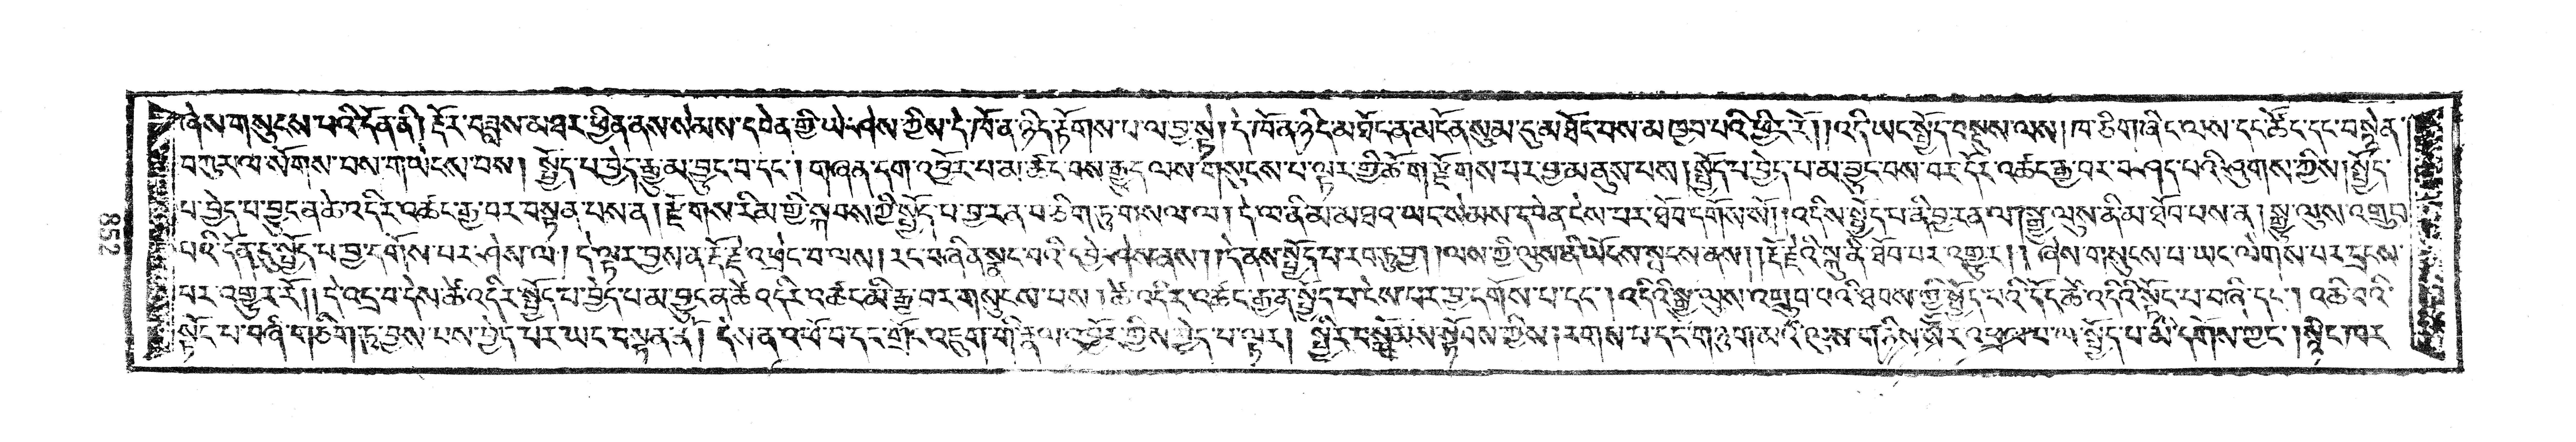ཞེས་གསུངས་པའི་དོན་ནི་རྡོར་བཟླས་མཐར་ཕྱིན་ནས་སེམས་དབེན་གྱི་ཡེ་ཤེས་ཀྱིས་དེ་ཁོ་ན་ཉིད་རྟགས་པ་ལ་བྱ་སྟེ། དེ་ཁོ་ན་ཉིད་མཐོང་ན་མངོན་སུམ་དུ་མཐོང་བས་མ་ཁྱབ་པའི་ཕྱིར་རོ། །འདི་ཡང་སྤྱོད་བསྡུས་ལས། ཁ་ཅིག་ཞིང་ལས་དང་ཚོང་དང་བསྙེན་
བཀུར་ལ་སོགས་པས་གཡེངས་པས། སྤྱོད་པ་བྱེད་རྒྱུ་མ་བྱུང་བ་དང་། གཞན་དག་འབྱོར་པ་མ་ཚང་བས་རྒྱུད་ལས་གསུངས་པ་ལྟར་གྱི་ཆོ་ག་རྫོགས་པར་བྱ་མ་ནུས་པས། སྤྱོད་པ་བྱེད་པ་མ་བྱུང་བས་བར་དོར་འཚང་རྒྱ་བར་བཤད་པའི་ཤུགས་ཀྱིས། སྤྱོད་
པ་བྱེད་པ་བྱུང་ན་ཆེ་འདིར་འཚང་རྒྱ་བར་བསྟན་པས་ན། རྫོགས་རིམ་གྱི་སྐབས་ཀྱི་སྤྱོད་པ་བྱ་རན་པ་ཅིག་ཏུ་གསལ་ལ། དེ་ལ་ནི་མ་མཐའ་ཡང་སེམས་དབེན་ངེས་པར་ཐོབ་དགོས་སོ། །འདིས་སྤྱོད་པ་ནི་བྱ་རན་ལ། སྒྱུ་ལུས་ནི་མ་ཐོབ་པས་ན། །སྒྱུ་ལུས་འགྲུབ་
པའི་དོན་དུ་སྤྱོད་པ་བྱ་དགོས་པར་ཤེས་ལ། དེ་ལྟར་བྱས་ན་རྡོ་རྗེ་འཕྲེང་བ་ལས། རང་བཞིན་སྣང་བའི་དབྱེ་ཤེས་ནས། །དེ་ནས་སྤྱོད་པ་རབ་ཏུ་བྱ། །ལས་ཀྱི་ལུས་ནི་ཡོངས་སྤངས་ནས། །རྡོ་རྗེའི་སྐུ་ནི་ཐོབ་པར་འགྱུར། །ཞེས་གསུངས་པ་ཡང་ལེགས་པར་དྲངས་
པར་འགྱུར་རོ། །དེ་འདྲ་བ་དེས་ཚེ་འདིར་སྤྱོད་པ་བྱེད་པ་མ་བྱུང་ན་ཚེ་འདིར་འཚང་མི་རྒྱ་བར་གསུངས་པས། ཚེ་འདིར་འཚང་རྒྱ་ན་སྤྱོད་པ་ངེས་པར་བྱ་དགོས་པ་དང་། འདིའི་སྒྱུ་ལུས་འགྲུབ་པའི་ཐབས་ཀྱི་སྤྱོད་པའི་དོད་ཚེ་འདིའི་སྟོང་པ་བཞི་དང་། འཆི་བའི་
སྟོང་པ་བཞི་གཅིག་ཏུ་བྱས་པས་བྱེད་པར་ཡང་བསྟན་ནོ། དེས་ན་འཕོ་བ་དང་གྲོང་འཇུག་གི་རྣལ་འབྱོར་གྱིས་བྱེད་པ་ལྟར། སྤྱིར་བསྒོམས་སྟོབས་ཀྱིས། རགས་པ་དང་གཉུག་མའི་ལུས་གཉིས་སེར་འཕྲལ་བ་ལ་སྤྱོད་པ་མི་དགོས་ཀྱང་། སྙིང་ཁར་